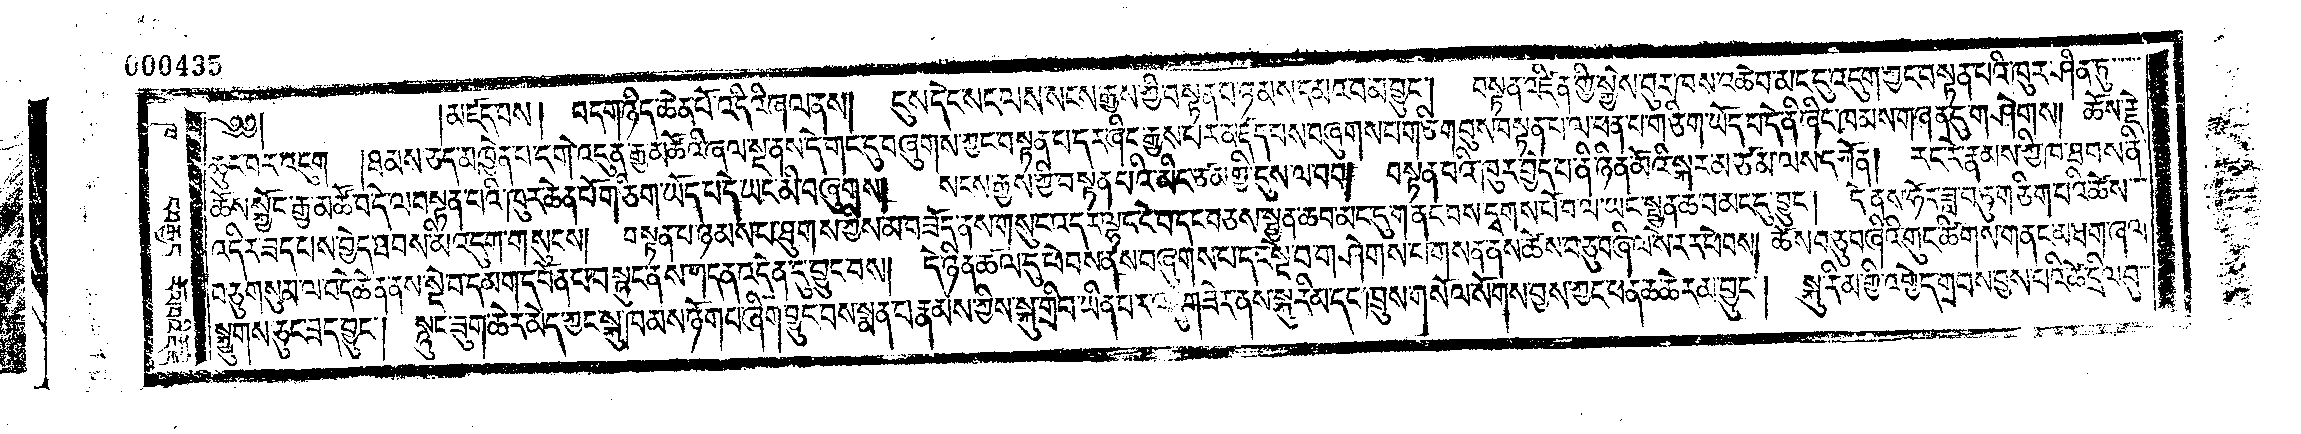༄༅། །མཛད་པས། བདག་ཉིད་ཆེན་པོ་འདིའི་ཞལ་ནས། དུས་དེང་སང་ལས་སངས་རྒྱས་ཀྱི་བསྟན་པ་ཉམས་དམའ་བ་མ་བྱུང་། བསྟན་འཛིན་གྱི་སྐྱེས་བུར་ཁས་འཆེ་བ་མང་དུ་འདུག་ཀྱང་བསྟན་པའི་ཁུར་ཤིན་ཏུ་
ཆུང་བར་འདུག །ཐམས་ཅད་མཁྱེན་པ་དགེ་འདུན་རྒྱ་མཚོའི་ཞལ་སྔ་ནས་དེ་གང་དུ་བཞུགས་ཀྱང་བསྟན་པ་དར་ཞིང་རྒྱས་པར་མཛད་པས་བཞུགས་པ་གཅིག་བུས་བསྟན་པ་ལ་ཕན་པ་གཅིག་ཡོད་པ་དེ་ནི་ཞིང་ཁམས་གཞན་དུ་གཤེགས། ཆོས་རྗེ་
ཆོས་སྐྱོང་རྒྱ་མཚོ་པ་དེ་ལ་བསྟན་པའི་ཁུར་ཆེན་པོ་གཅིག་ཡོད་པ་དེ་ཡང་མི་བཞུགས། སངས་རྒྱས་ཀྱི་བསྟན་པའི་མིང་ཙམ་གྱི་དུས་ལ་བབ། བསྟན་པའི་ཁུར་བྱེད་པ་ནི་ཉིན་མོའི་སྐར་མ་ཙམ་ལས་དཀོན། རང་རེ་རྣམས་ཀྱི་ཁ་ཐབས་ནི་
འདིར་ཟད་པས་བྱེད་ཐབས་མི་འདུག་གསུངས། བསྟན་པ་ཉམས་པ་ཐུགས་ཀྱིས་མ་བཟོད་ནས་གསུང་འདར་ལྷང་དེ་བ་དང་བཅས་སྤྱན་ཆབ་མང་དུ་གནང་བས་དྭགས་པོ་བ་ལ་ཡང་སྤྱན་ཆབ་མང་དུ་བྱུང་། དེ་ནས་ཧོར་ཟླ་བཅུ་གཅིག་པའི་ཚེས་
བཅུ་གསུམ་ལ་བདེ་ཆེན་ནས་སྔེ་པ་དམག་དཔོན་པ་བསྙུང་ནས་གདན་འདྲེན་དུ་བྱུང་བས། དེ་ཉིན་ཚལ་དུ་ཕེབས་ནས་བཞུགས་པ་དང་སྔེ་པ་གཤེགས་པ་གསན་ནས་ཚེས་བཅུ་བཞི་ལ་སེ་རར་ཕེབས། ཚེས་བཅུ་བཞིའི་གུང་ཚིགས་གནང་མ་ཐག་ཞལ་
སྐྱུགས་ཅུང་ཟད་བྱུང་། སྙུང་ཟུག་ཆེར་མེད་ཀྱང་སྐུ་ཁམས་ཉོག་པ་ཞིག་བྱུང་བས་སྨན་པ་རྣམས་ཀྱིས་སྐུ་གྲིབ་ཡིན་པར་འདུག་ཟེར་ནས་སྐུ་རིམ་དང་ཁྲུས་གསོལ་སོགས་བྱས་ཀྱང་ཕན་ཆ་ཆེར་མ་བྱུང་། སྐུ་རིམ་གྱི་འགྱེད་གྲབས་བྱས་པའི་ཚེ་དྲིལ་བུ་